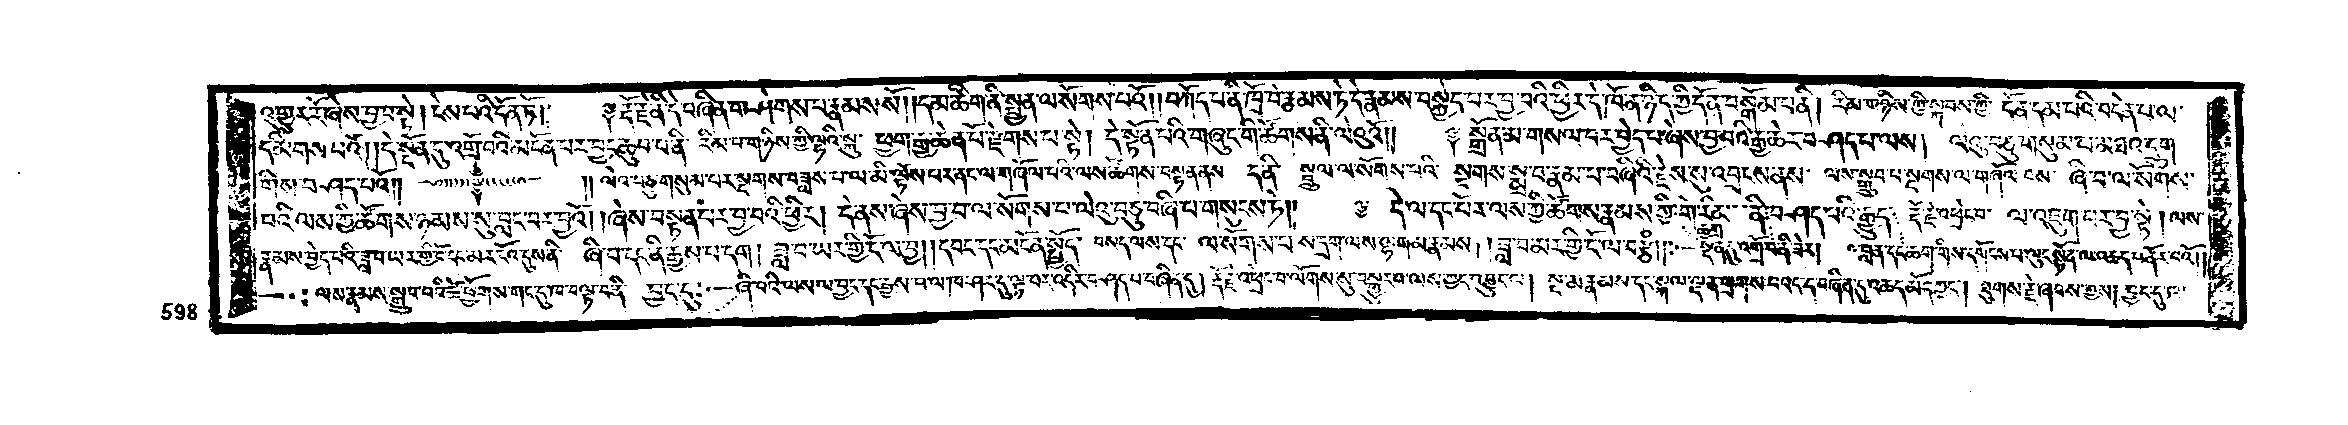འགྱུར་རོ་ཞེས་བྱ་བ་སྟེ། ངེས་པའི་དོན་ཏོ།། ༈ རྡོ་རྗེ་ནི་དེ་བཞིན་གཤེགས་པ་རྣམས་སོ། །དམ་ཚིག་ནི་སྤྱན་ལ་སོགས་པའོ། །བཀོད་པ་ནི་ཁྲོ་བོ་རྣམས་ཏེ་དེ་རྣམས་བསྐྱེད་པར་བྱ་བའི་ཕྱིར་དེ་ཁོ་ན་ཉིད་ཀྱི་དོན་བསྒོམ་པ་ནི། རིམ་གཉིས་ཀྱི་སྐབས་ཀྱི་དོན་དམ་པའི་བདེན་པ་ལ་
དམིགས་པའོ། །དེ་སྔོན་དུ་འགྲོ་བའི་མངོན་པར་བྱང་ཆུབ་པ་ནི་རིམ་པ་གཉིས་ཀྱི་ལྷའི་སྐུ་ཕྱག་རྒྱ་ཆེན་པོ་རྫོགས་པ་སྟེ། དེ་སྟོན་པའི་གཞུང་གི་ཚོགས་ནི་ལེའུའོ།། ༈ སྒྲོན་མ་གསལ་བར་བྱེད་པ་ཞེས་བྱ་བའི་རྒྱ་ཆེར་བཤད་པ་ལས། ལེའུ་བཅུ་གསུམ་པ་མཐའ་དྲུག་
གིས་བཤད་པའོ།། ༆་།། ལེའུ་བཅུ་གསུམ་པར་སྔགས་བཟླས་པ་ལ་མི་ལྟོས་པར་ནང་ལ་གཞོལ་པའི་ལས་ཚོགས་བསྟན་ནས་ད་ནི་སྤྲུལ་ལ་སོགས་པའི་སྔགས་སྨྲ་བ་རྣམ་པ་བཞིའི་རྗེས་སུ་འབྲངས་ནས་ལས་སྒྲུབ་པ་སྔགས་ལ་གཞེལ་བས་ཞི་བ་ལ་སོགས་
པའི་ལས་ཀྱི་ཚོགས་ཉམས་སུ་བླང་བར་བྱའོ། །ཞེས་བསྟན་པར་བྱ་བའི་ཕྱིར། དེ་ནས་ཞེས་བྱ་བ་ལ་སོགས་པ་ལེའུ་བཅུ་བཞི་པ་གསུངས་ཏེ།། ༈ དེ་ལ་དང་པོར་ལས་ཀྱི་ཚོགས་རྣམས་ཀྱི་གོ་རིམ་ནི་བཤད་པའི་རྒྱུད་རྡོ་རྗེ་འཕྲེང་བ་ལ་འཇུག་པར་བྱ་སྟེ། ལས་
རྣམས་བྱེད་པའི་ཟླ་བ་ཡར་གྱི་ངོ་དང་མར་ངོའི་དུས་ནི་ཞི་བ་དང་ནི་རྒྱས་པ་དག །ཟླ་བ་ཡར་གྱི་ངོ་ལ་བྱ། །དབང་དང་མངོན་སྐྱེད་བསད་ལས་དང་ལ་སོགས་པས་དྲག་ལས་ལྷག་མ་རྣམས། །ཟླ་བ་མར་གྱི་ངོ་ལ་བརྩཾ།། H.་ཆག་སྔོན་དུ་འགྲོ་བ་ནི་ཟེར། ༧གླན་དང་ཆག་གིས་དགོངས་པ་ལུང་སྟོན་ལ་འཆད་པ་ནོར་བའོ།།
.H ལས་རྣམས་སྒྲུབ་པའི་ཚེ་ཕྱོགས་གང་དུ་ཁ་བལྟ་བ་ནི་བྱང་དུ་H.་ཞི་བའི་ལས་ལ་བྱང་དང་རྒྱས་པ་ལ་ཁ་ཤར་དུ་ལྟ་བར་འདིར་བཤད་པ་བཞིན་དུ། རྡོ་རྗེ་འཕྲེང་བ་ལོགས་སུ་བསྒྱུར་བ་ལས་ཀྱང་འབྱུང་ལ། སྔ་མ་རྣམས་དང་སྐལ་ལྡན་གྲགས་པའང་དེ་བཞིན་དུ་འཆད་མོད་ཀྱང་། ཐུགས་རྗེ་ཞབས་ཀྱིས། བྱང་དུ་ཁ་